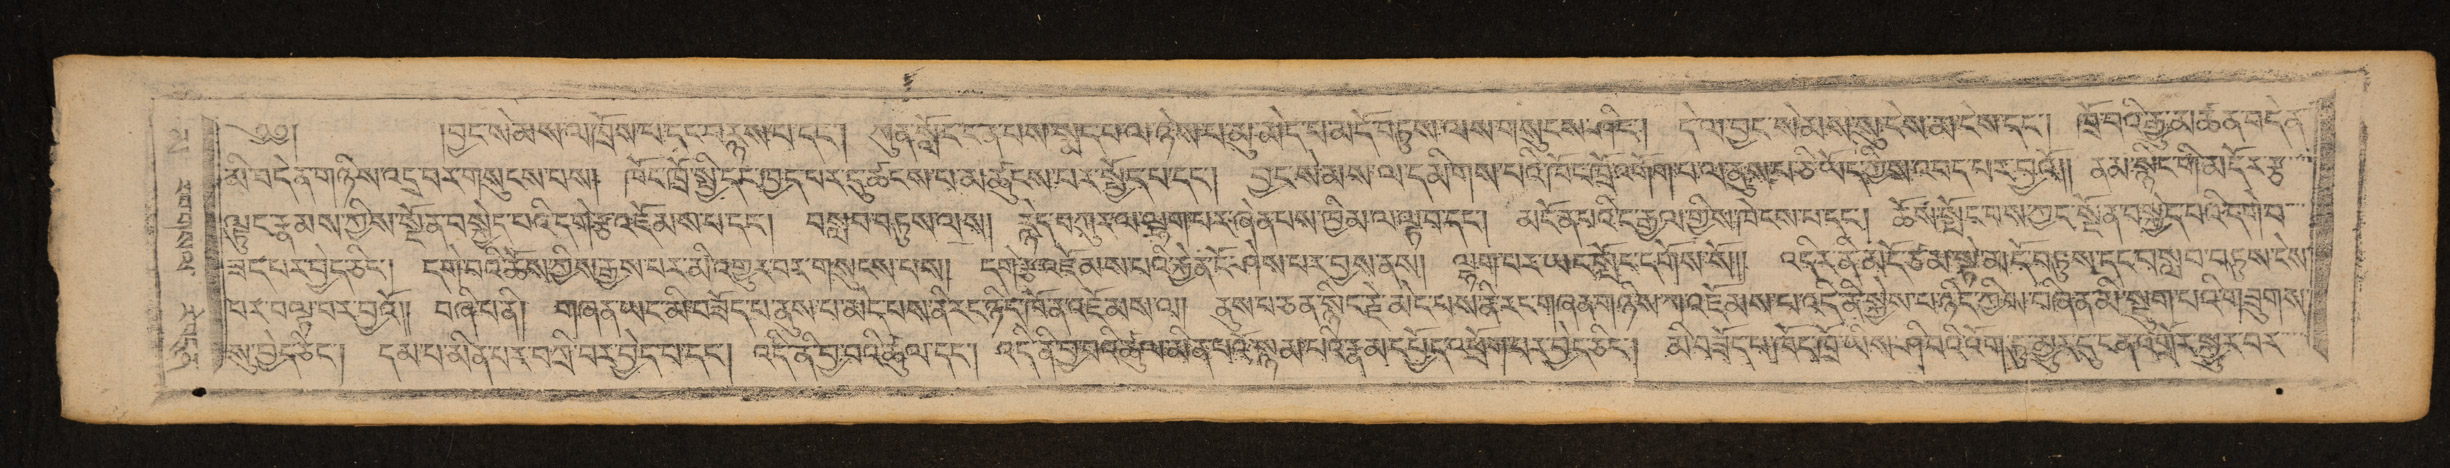༄༅། །བྱང་སེམས་ལ་ཁྲོས་པ་དང་བརྙས་པ་དང་། ཀུན་སློང་ངན་པས་སྨད་པ་ལ་ཉེས་པ་མུ་མེད་པ་མདོ་བཏུས་ལས་གསུངས་ཤིང་། དེ་ལ་བྱང་སེམས་སུ་ངེས་མ་ངེས་དང་། ཁྲོ་བའི་རྒྱུ་མཚན་བདེན་
མི་བདེན་གཉིས་འདྲ་བར་གསུངས་པས། ཁོང་ཁྲོ་སྤྱི་དང་ཁྱད་པར་དུ་ཚངས་པ་མཚུངས་པར་སྤྱོད་པ་དང་། བྱང་སེམས་ལ་དམིགས་པའི་ཁོང་ཁྲོ་འགོག་པ་ལ་ནུས་པ་ཅི་ཡོད་ཀྱིས་འབད་པར་བྱའོ།། ནམ་སྙིང་གི་མདོར་རྩ་
ལྟུང་རྣམས་ཀྱིས་སྔོན་བསྐྱེད་པའི་དགེ་རྩ་འཇོམས་པ་དང་། བསླབ་བཏུས་ལས། རྙེད་བཀུར་ལ་ལྷག་པར་ཞེན་པས་ཁྱིམ་ལ་ལྟ་བ་དང་། མངོན་པའི་ང་རྒྱལ་གྱིས་ཁེངས་པ་དང་། ཆོས་སྤོང་བས་ཀྱང་སྔོན་བསྐྱེད་པའི་དགེ་བ་
ཟད་པར་བྱེད་ཅིང་། དགེ་བའི་ཆོས་ཀྱིས་རྒྱས་པར་མི་འགྱུར་བར་གསུངས་པས། དགེ་རྩ་འཇོམས་པའི་རྐྱེན་ངོ་ཤེས་པར་བྱས་ནས། ལྷག་པར་ཡང་སྤོང་དགོས་སོ།། འདིར་ནི་མདོ་ཙམ་སྟེ་མདོ་བཏུས་དང་བསླབ་བཏུས་ངེས་
པར་བལྟ་བར་བྱའོ།། བཞི་པ་ནི། གཞན་ཡང་མི་བཟོད་པ་ནུས་པ་མེད་པས་ནི་རང་ཉིད་ཁོ་ན་འཇོམས་ལ། ནུས་པ་ཅན་སྙིང་རྗེ་མེད་པས་ནི་རང་གཞན་གཉིས་ཀ་འཇོམས་པ་འདི་ནི་སྐྱེས་པ་ཉིད་ཀྱིས་བཞིན་མི་སྡུག་པའི་གཟུགས་
སུ་བྱེད་ཅིང་། དམ་པ་མིན་པར་བཀྲི་བར་བྱེད་པ་དང་། འདི་ནི་བྱ་བའི་ཚུལ་དང་། འདི་ནི་བྱ་བའི་ཚུལ་མིན་པའོ་སྙམ་པའི་རྣམ་དཔྱོད་འཕྲོག་པར་བྱེད་ཅིང་། མི་བཟོད་པ་ཁོང་ཁྲོ་ཡིས་ཤི་བའི་འོག་ཏུ་མྱུར་དུ་ངན་འགྲོར་སྐྱུར་བར་